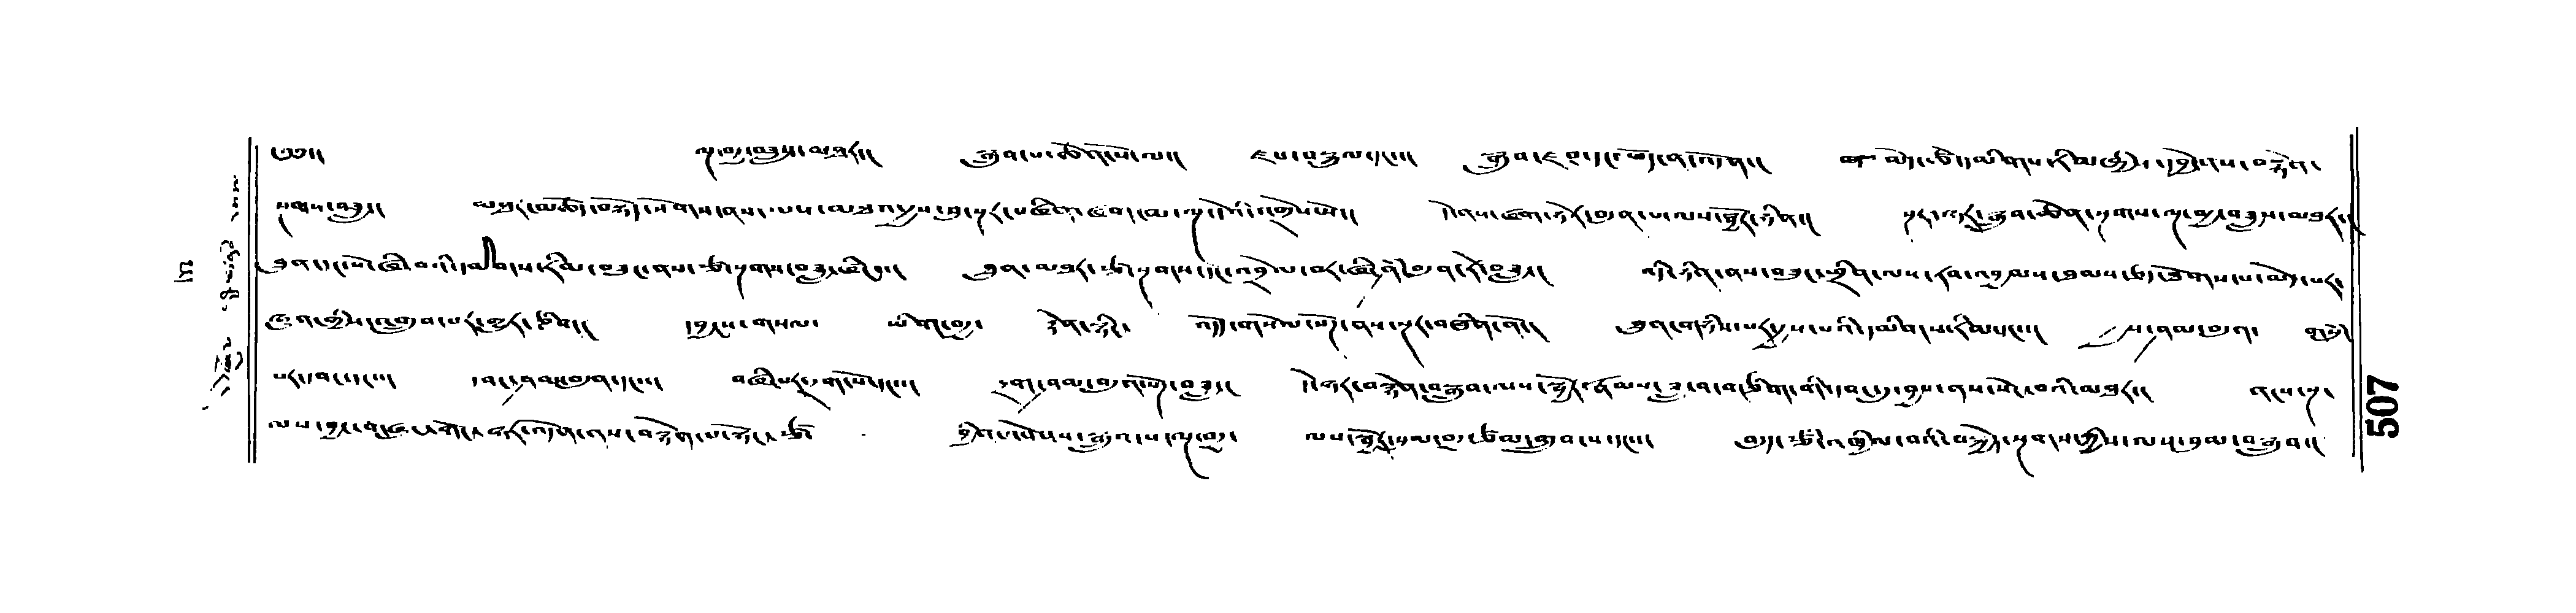ལྔ་བརྒྱ་བཟླས་མཐར། སྒྲུབ་པ་ཆེན་པོ་ལ། འཛབ་བསྐུལ་དང་། སྒྲུབ་འཛབ་དང་ཕོད་ན་འདོན། མེད་ཚེ་དམིགས་རིམ་གྱིས་དབྱེ་ནས་བསྙེན་
སྔགས་བཟླ། མཐར་མཆོད་བསྟོད་སོགས་ནས་ལས་མཐའ་རྒྱས་སུ་སྔར་བཞིན་ཞག་མ་ལྔ་དེའི་འགྲེས་སོ། དེ་ནས་ཞག་ཉེར་བདུན་པ་ལས་སྦྱོར་ཉིན། སྔར་ལྟར་སྒྲུབ་ཆེན་སྔགས་ལྔ་བརྒྱ་བཟླས་མཐར། 
ཐུན་དང་པོ་ཞི་བའི་དམིགས་རིམ་བཟུང་ནས་རྩ་སྔགས་བཟླ་ཞིང་། ཐུན་མཐར་རྩ་སྔགས་དང་འབྲེལ་བར་ཞི་ཤམ་བདུན་རེ་བཟླ། འདི་ཉིན་ནས་བཟུང་། ཕྲིན་ལས་རབ་འབྱམས་ཐམས་ཅད་ཐོགས་པ་མེད་
པར་ལྷུན་གྱིས་འགྲུབ་པར་གྱུར་ཅིག དབྱངས་གསལ། ཡིག་བརྒྱ། རྟེན་སྙིང་། འདོད་གསོལ་སོགས་ནས་སྔར་བཞིན་ནོ། ཐུན་གཉིས་པར་རྒྱས་པའི་དམིགས་རིམ་དང་། རྒྱས་ཤམ་བདུན། གསུམ་
པར་དབང་དང་། དབང་ཤམ་བདུན་དང་། བཞི་པར་དྲག་པོ་དང་། དྲག་ཤམ་བདུན་སོགས་བཟླ། དེ་གར་བསྙེན་བསྒྲུབ་ལས་སྦྱོར་རྣམས་ཟླ་བ་གཅིག་གི་དབང་དུ་བྱས་ནས་སོང་བའི་མཐར། ནངས་སྔ་
ལས་བྱང་གཞུང་གོང་ལྟར་འདོན་ནས་བསྙེན་པ་སྟོང་རྩ། བྱིན་འབེབས་སྒྲུབ་པ་ལྔ་བརྒྱ། ལས་སྦྱོར་སུམ་བརྒྱ་ཙམ་གྲུབ་པ་དང་། བདུད་རྩི་འཁྱིལ་བའི་བསྐྱེད་སྔགས་ཀྱིས་ལས་བུམ་བསྒྲུབ།